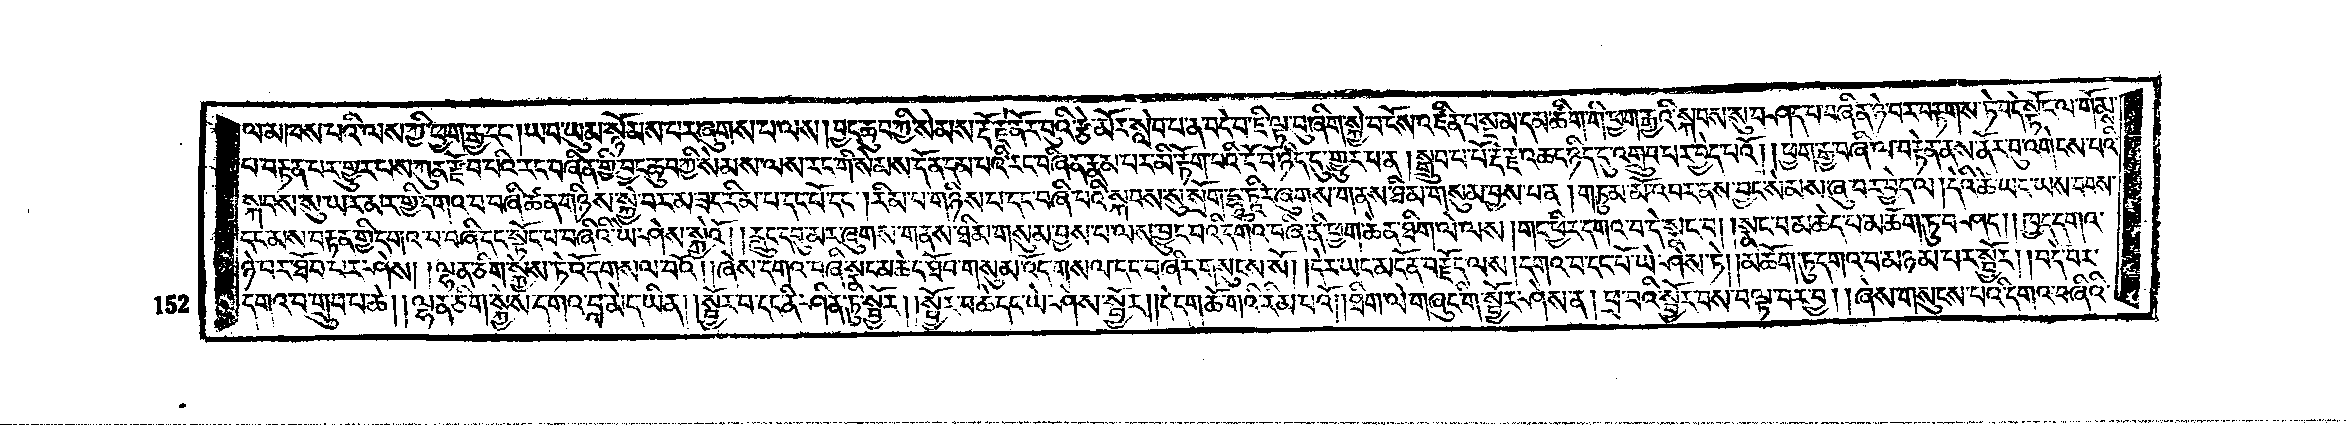ལ་མཁས་པའི་ལས་ཀྱི་ཕྱག་རྒྱ་དང་། ཡབ་ཡུམ་སྙོམས་པར་ཞུགས་པ་ལས། བྱང་ཆུབ་ཀྱི་སེམས་རྡོ་རྗེ་ནོར་བུའི་རྩེ་མོར་སླེབ་པ་ན་བདེ་བ་ཇི་ལྟ་བུ་ཞིག་སྐྱེ་བ་ངོས་འཛིན་པ་སྔ་མ་དམ་ཚིག་གི་ཕྱག་རྒྱའི་སྐབས་སུ་བཤད་པ་བཞིན་ཉེ་བར་བརྟགས་ཏེ་བདེ་སྟོང་ལ་གོམས་
པ་བརྟན་པར་གྱུར་པས་ཀུན་རྫོབ་པའི་རང་བཞིན་གྱི་བྱང་ཆུབ་ཀྱི་སེམས་ལས་རང་གི་སེམས་དོན་དམ་པའི་རང་བཞིན་རྣམ་པར་མི་རྟོག་པའི་ངོ་བོ་ཉིད་དུ་གྱུར་པ་ན། སྒྲུབ་པ་པོ་རྡོ་རྗེ་འཆང་ཉིད་དུ་འགྲུབ་པར་བྱེད་པའོ། །ཕྱག་རྒྱ་བཞི་ལ་བརྟེན་ནས་ནོར་བུ་འགེངས་པའི་
སྐབས་སུ་ཡར་མར་གྱི་དགའ་བ་བཞི་ཚན་གཉིས་སྐྱེ་བར་མ་ཟང་རིམ་པ་དང་པོ་དང་། རིམ་པ་གཉིས་པ་དང་བཞི་པའི་སྐབས་སུ་སྲོག་དྷཱུ་ཏཱིར་ཞུགས་གནས་ཐིམ་གསུམ་བྱས་པ་ན། གཏུམ་མོ་འབར་ནས་བྱང་སེམས་ཞུ་བར་བྱེད་ལ། དེའི་ཚེ་ཡང་ཡས་བབས་
དང་མས་བརྟན་གྱི་དགའ་བ་བཞི་དང་སྟོང་པ་བཞིའི་ཡེ་ཤེས་སྐྱེའོ། །རླུང་དབུ་མར་ཞུགས་གནས་ཐིམ་གསུམ་བྱས་པ་ལས་བྱུང་བའི་དགའ་བཞི་ནི་ཕྱག་ཆེན་ཐིག་ལེ་ལས། གང་ཕྱིར་དགའ་བ་དེ་སྣང་བ། །སྣང་བ་མཆེད་པ་མཆོག་ཏུ་བཤད། །ཁྱད་དགའ་
ཉེ་བར་ཐོབ་པར་ཤེས། །ལྷན་ཅིག་སྐྱེས་ཏེ་འོད་གསལ་བའོ། །ཞེས་དགའ་བཞི་སྣང་མཆེད་ཐོབ་གསུམ་འོད་གསལ་དང་བཞིར་གསུངས་སོ། །དེར་ཡང་མངོན་བརྗོད་ལས། དགའ་བ་དང་པོ་ཡེ་ཤེས་ཏེ། །མཆོག་ཏུ་དགའ་བ་མཉམ་པར་སྦྱོར། །བདེ་བར་
དགའ་བ་གྲུབ་པ་ཆེ། །ལྷན་ཅིག་སྐྱེས་དགའ་བླ་མེད་ཡིན། །སྦྱོར་བ་དང་ནི་ཤིན་ཏུ་སྦྱོར། །སྦྱོར་བ་ཆེ་དང་ཡེ་ཤེས་སྦྱོར། །དེ་དག་ཆོ་གའི་རིམ་པའོ། །ཐིག་ལེ་གཞུང་གི་སྦྱོར་ཤེས་ན། ཕྲ་བའི་སྦྱོར་བས་བལྟ་བར་བྱ། །ཞེས་གསུངས་པའི་དགའ་བཞིའི་